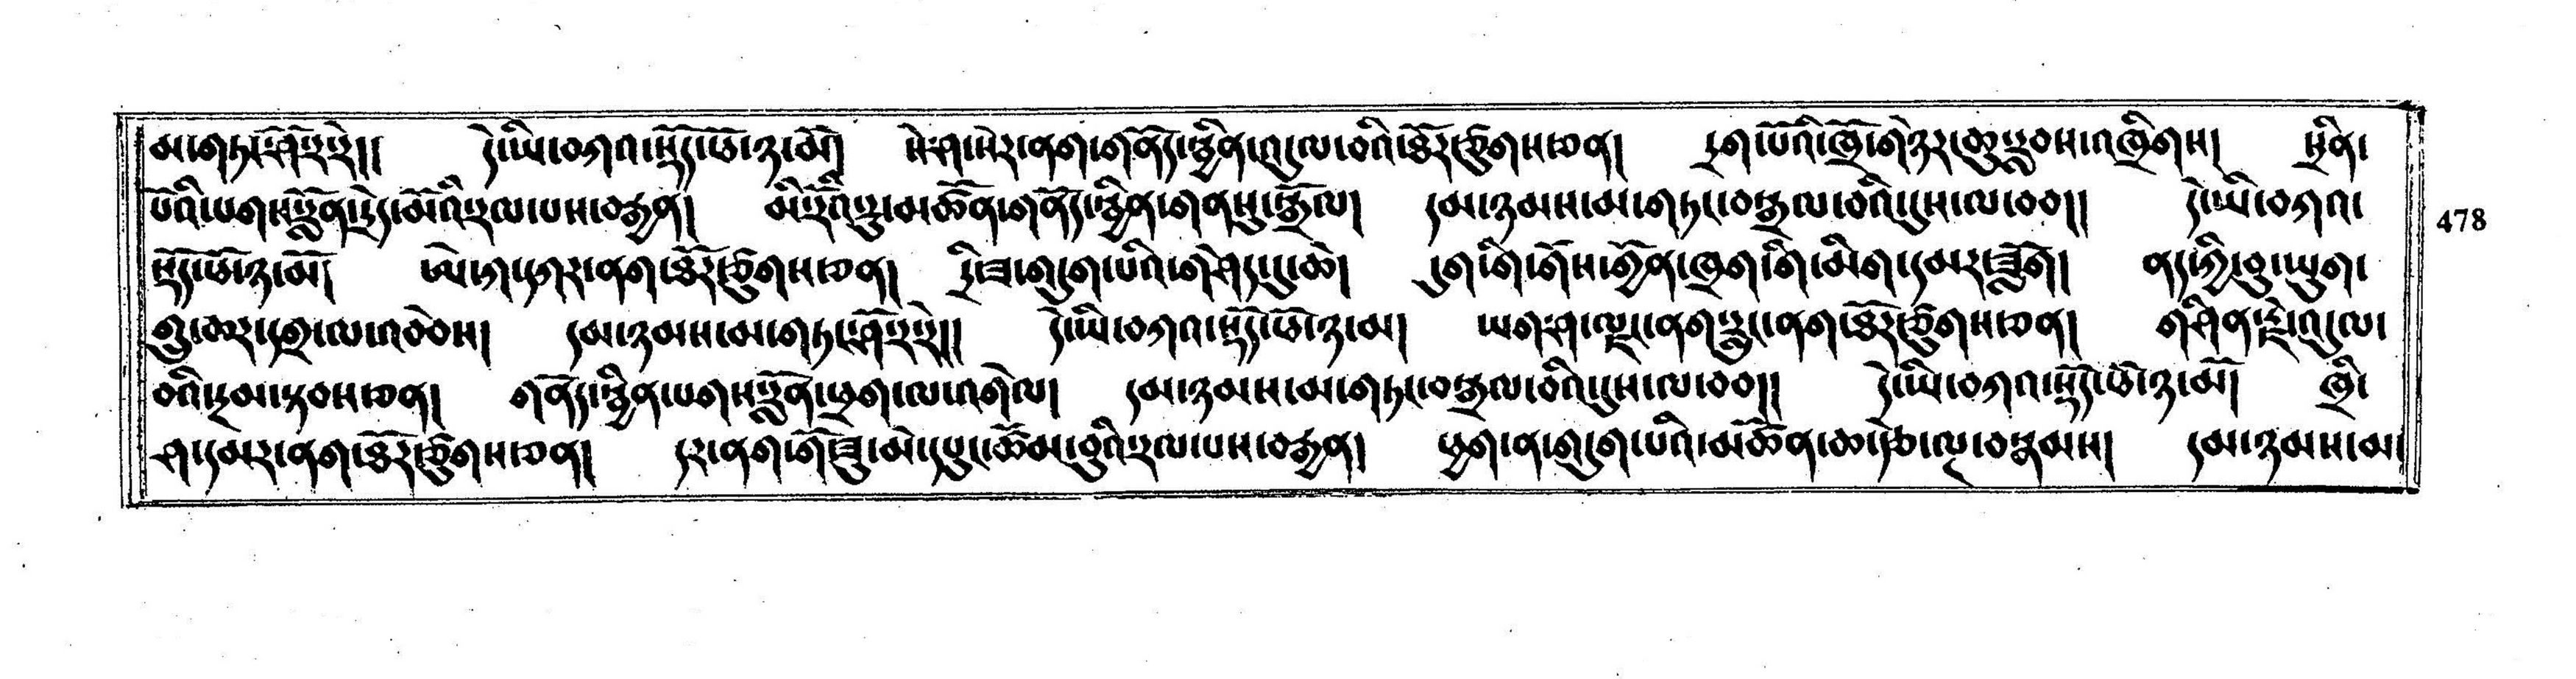མ་གཏང་ཤོ་ར་རེ།། དེ་ཡི་བཀའ་སྡོད་ཕོ་ཉ་མོ། སེ་ཤ་སེར་ནག་གནོད་སྦྱིན་འདུལ་བའི་ཐོར་ཙུགས་ཅན། དྲག་པོའི་ཁྲོ་གཉེར་ཆུ་རླབས་འཁྲིགས། སྲིན་
པོའི་པགས་རློན་དྲེད་མོའི་རལ་པས་བརྒྱན། མི་རོའི་རུ་མཚོན་{491}གནོད་སྦྱིན་གནས་སུ་སྒྲོལ། དམ་ཉམས་མ་གཏང་བསྒྲལ་བའི་དུས་ལ་བབ།། དེ་ཡི་བཀའ་
སྡོད་ཕོ་ཉ་མོ། ཨེ་ཀ་དཀར་ནག་ཐོར་ཙུགས་ཅན། དྲི་ཟ་གདུག་པའི་གཤེད་དུ་ཆེ། དུག་གི་གོས་གྱོན་ཁྲག་གི་མིག་དམར་ཟློག ནད་ཀྱི་བུ་ཡུག་
གྲུ་ཆར་དགྲ་ལ་འབེབས། དམ་ཉམས་མ་གཏང་ཤོ་ར་རེ།། དེ་ཡི་བཀའ་སྡོད་ཕོ་ཉ་མ། ཡག་ཤ་ལྗང་ནག་རླུང་ནག་ཐོར་ཙུགས་ཅན། གཤིན་རྗེ་འདུལ་
བའི་རྔམ་སྟབས་ཅན། གནོད་སྦྱིན་པགས་རློན་ཕྲག་ལ་འགེལ། དམ་ཉམས་མ་གཏང་བསྒྲལ་བའི་དུས་ལ་བབ།། དེ་ཡི་བཀའ་སྡོད་ཕོ་ཉ་མོ། ཁྲི་
ཤ་དམར་ནག་ཐོར་ཙུགས་ཅན། དར་ནག་གོ་ཟུ་མེ་དཔུང་ཚོམ་བུའི་རལ་པས་བརྒྱན། ཕྱག་ན་གདུག་པའི་མཚོན་ཆ་རྩེ་ལྔ་བསྣམས། དམ་ཉམས་མ་